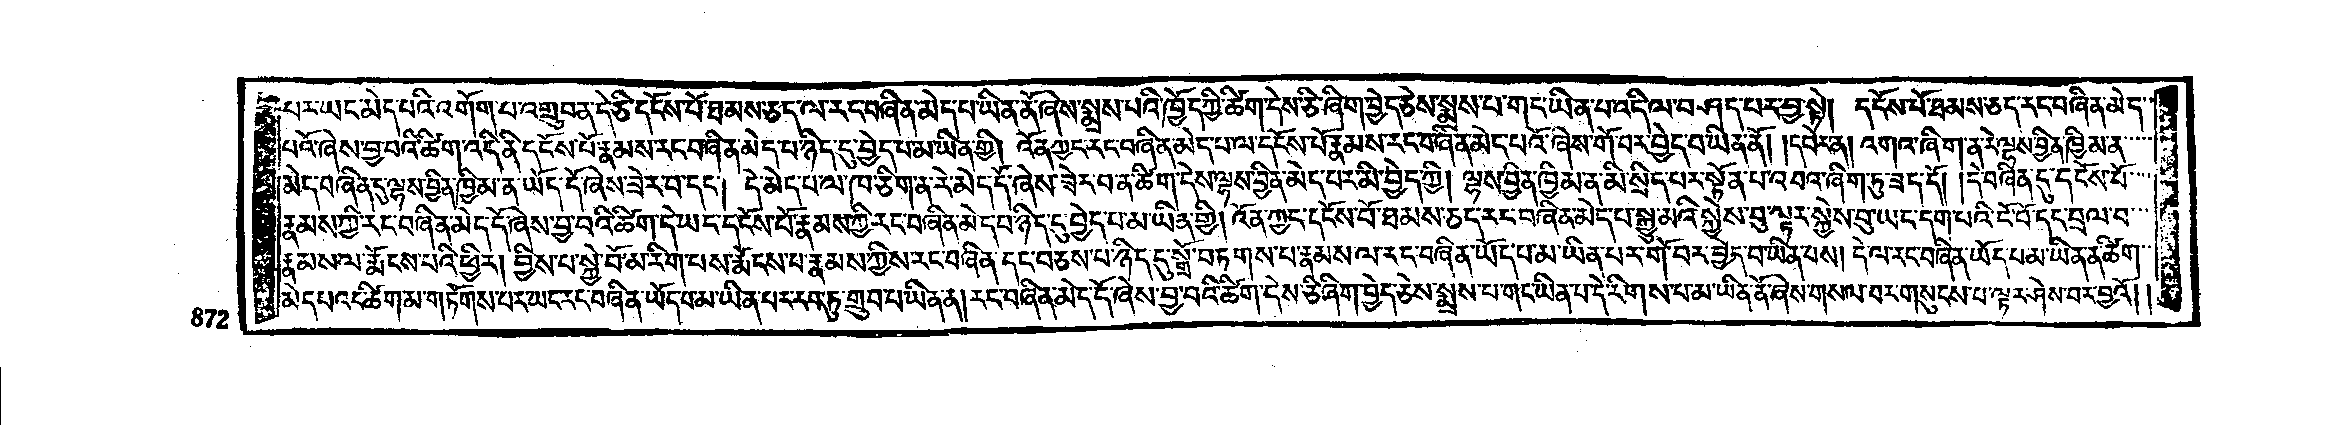པར་ཡང་མེད་པའི་འགོག་པ་འགྲུབ་ན་དེ་ཅི་དངོས་པོ་ཐམས་ཅད་ལ་རང་བཞིན་མེད་པ་ཡིན་ནོ་ཞེས་སྨྲས་པའི་ཁྱོད་ཀྱི་ཚིག་དེས་ཅི་ཞིག་བྱེད་ཅེས་སྨྲས་པ་གང་ཡིན་པ་འདི་ལ་བཤད་པར་བྱ་སྟེ། དངོས་པོ་ཐམས་ཅད་རང་བཞིན་མེད་
པའོ་ཞེས་བྱ་བའི་ཚིག་འདི་ནི་དངོས་པོ་རྣམས་རང་བཞིན་མེད་པ་ཉིད་དུ་བྱེད་པ་མ་ཡིན་གྱི། འོན་ཀྱང་རང་བཞིན་མེད་པ་ལ་དངོས་པོ་རྣམས་རང་བཞིན་མེད་པའོ་ཞེས་གོ་བར་བྱེད་པ་ཡིན་ནོ། །དཔེར་ན། འགའ་ཞིག་ན་རེ་ལྷས་བྱིན་ཁྱིམ་ན་
མེད་བཞིན་དུ་ལྷས་བྱིན་ཁྱིམ་ན་ཡོད་དོ་ཞེས་ཟེར་བ་དང་། དེ་མེད་པ་ལ་ཁ་ཅིག་ན་རེ་མེད་དོ་ཞེས་ཟེར་བ་ན་ཚིག་དེས་ལྷས་བྱིན་མེད་པར་མི་བྱེད་ཀྱི། ལྷས་བྱིན་ཁྱིམ་ན་མི་སྲིད་པར་སྟོན་པ་འབའ་ཞིག་ཏུ་ཟད་དོ། །དེ་བཞིན་དུ་དངོས་པོ་
རྣམས་ཀྱི་རང་བཞིན་མེད་དོ་ཞེས་བྱ་བའི་ཚིག་དེ་ཡང་དངོས་པོ་རྣམས་ཀྱི་རང་བཞིན་མེད་པ་ཉིད་དུ་བྱེད་པ་མ་ཡིན་གྱི། འོན་ཀྱང་དངོས་པོ་ཐམས་ཅད་རང་བཞིན་མེད་པ་སྒྱུ་མའི་སྐྱེས་བུ་ལྟར་སྐྱེས་བུ་ཡང་དག་པའི་ངོ་བོ་དང་བྲལ་བ་
རྣམས་ལ་རྨོངས་པའི་ཕྱིར། བྱིས་པ་སྐྱེ་བོ་མ་རིག་པས་རྨོངས་པ་རྣམས་ཀྱིས་རང་བཞིན་དང་བཅས་པ་ཉིད་དུ་སྒྲོ་བཏགས་པ་རྣམས་ལ་རང་བཞིན་ཡོད་པ་མ་ཡིན་པར་གོ་བར་བྱེད་པ་ཡིན་པས། དེ་ལ་རང་བཞིན་ཡོད་པ་མ་ཡིན་ན་ཚིག་
མེད་པའང་ཚིག་མ་གཏོགས་པར་ཡང་རང་བཞིན་ཡོད་པ་མ་ཡིན་པར་རབ་ཏུ་གྲུབ་པ་ཡིན་ན། རང་བཞིན་མེད་དོ་ཞེས་བྱ་བའི་ཚིག་དེས་ཅི་ཞིག་བྱེད་ཅེས་སྨྲས་པ་གང་ཡིན་པ་དེ་རིགས་པ་མ་ཡིན་ནོ་ཞེས་གསལ་བར་གསུངས་པ་ལྟར་ཤེས་པར་བྱའོ། །